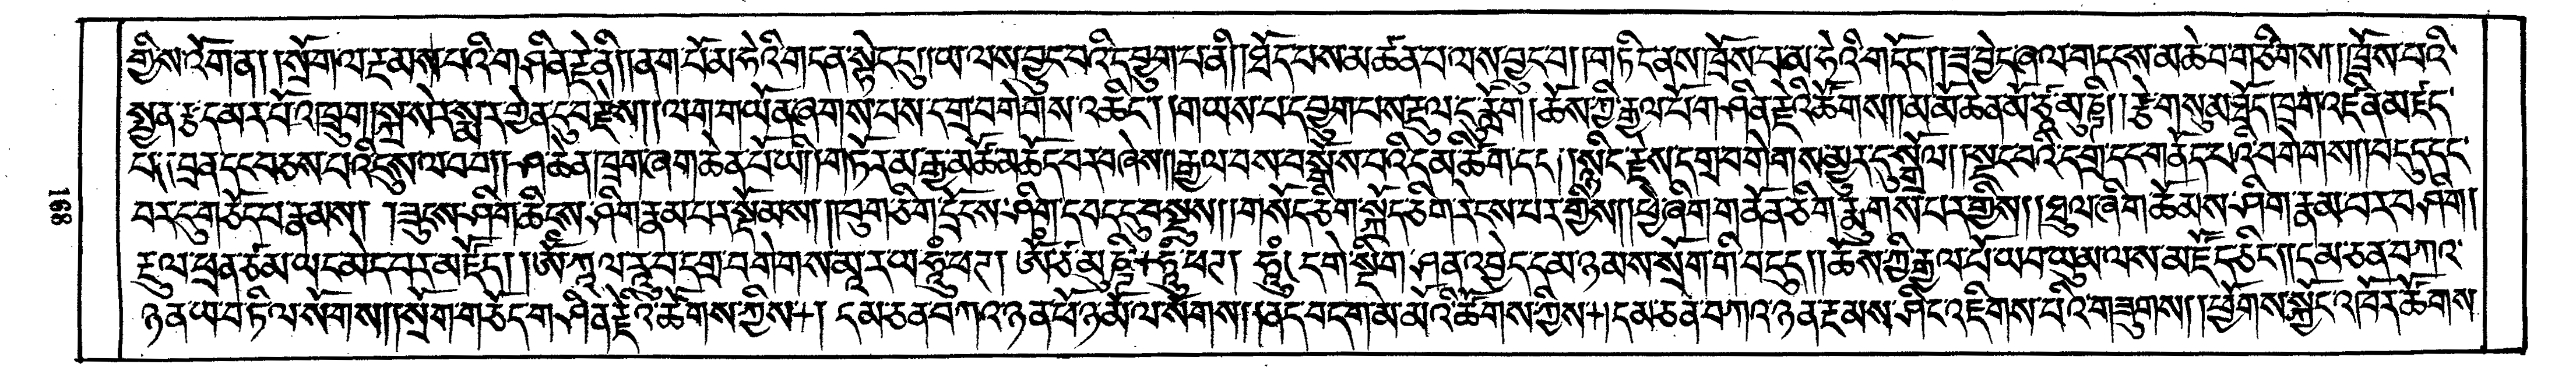གྱིས་འོག་ན། །སྲོག་ལ་རྔམས་པའི་གཤིན་རྗེ་ནི། །ནག་པོ་མ་ཧེའི་གདན་སྟེང་དུ། །ཡ་ལས་བྱུང་བའི་དབྱུག་པ་ནི། །ཐོད་བས་མཚན་པ་ལས་བྱུང་བ། །གཏིང་ནས་ཁྲོས་པ་མ་ཧེའི་གདོང་། །ཟ་བྱེད་ཞལ་གདངས་མཆེ་བ་གཙིགས། །ཁྲོས་པའི་
སྤྱན་རྩ་དམར་པོ་འཁྲུག། སྐྲ་སེར་སྨར་གྱེན་དུ་བརྫེས། །ཁག་གཡོན་ཞགས་པས་དགྲ་བགེགས་འཆིང་། །གཡས་པ་དབྱུག་པས་རྡུལ་དུ་རློག། །ཆོས་ཀྱི་རྒྱལ་པོ་གཤིན་རྗེའི་ཚོགས། །མ་མོ་ཆེན་མོ་ཙཱ་མུཎྜི། །རྩེ་གསུམ་ཐོད་ཁྲག་འཛིན་མཛད་
པ༑ ༑བྲན་དང་བཅས་པའི་དུས་ལ་བབ། །ཤ་ཆེན་ཁྲག་ཞག་ཆེན་པོ་ཡི། །གཏོར་མ་རྒྱ་མཚོ་མཆོད་པར་བཞེས། །རྒྱལ་བས་བསྒོས་པའི་དམ་ཚིག་དང་། །སྙིང་རྗེས་དགྲ་བགེགས་མྱུར་དུ་སྒྲོལ། །སྡང་བའི་དགྲ་དང་གནོད་པའི་བགེགས། །བདུད་དང་
བར་དུ་གཅོད་པ་རྣམས། །ཟུངས་ཤིག་ཆིངས་ཤིག་རྣམ་པར་སྡོམས། །ཁུ་གཅིག་དྲོངས་ཤིག་དབང་དུ་བསྡུས། །གསོད་ཅིག་སྐྲོད་ཅིག་རེངས་པར་གྱིས། །ཕྱེ་ཞིག་གནོན་ཅིག་རྨུགས་པར་གྱིས། །ཐུལ་ཞིག་ཆོམས་ཤིག་རྣམ་པར་བཤིག།
རྡུལ་ཕྲན་ཙམ་ཡང་མེད་པར་མཛོད། །ཨོཾ་ཀཱ་ལ་རཱུ་པ་དགྲ་བགེགས་མཱ་ར་ཡ་ཧཱུཾ་ཕཊ། ཨོཾ་ཙཱ་མུཎྜི་ཧཱུཾ་ཕཊ། ཧཱུཾ། དགེ་སྡིག་ཤན་འབྱེད་དམ་ཉམས་སྲོག་གི་བདུད། །ཆོས་ཀྱི་རྒྱལ་པོ་ཡབ་ཡུམ་ལས་མཛོད་ཅིག། དམ་ཅན་བཀའ་
ཉན་ཡ་བ་ཏི་ལ་སོགས། །སྲོག་གཅོད་གཤིན་རྗེའི་ཚོགས་ཀྱིས། དམ་ཅན་བཀའ་ཉན་ཕོ་ཉ་མོ་ལ་སོགས། །ནད་བདག་མ་མོའི་ཚོགས་ཀྱིས་།དམ་ཅན་བཀའ་ཉན་རྔམས་ཤིང་འཇིགས་པའི་གཟུགས། །ཕྱོགས་སྐྱོང་འཁོར་ཚོགས་